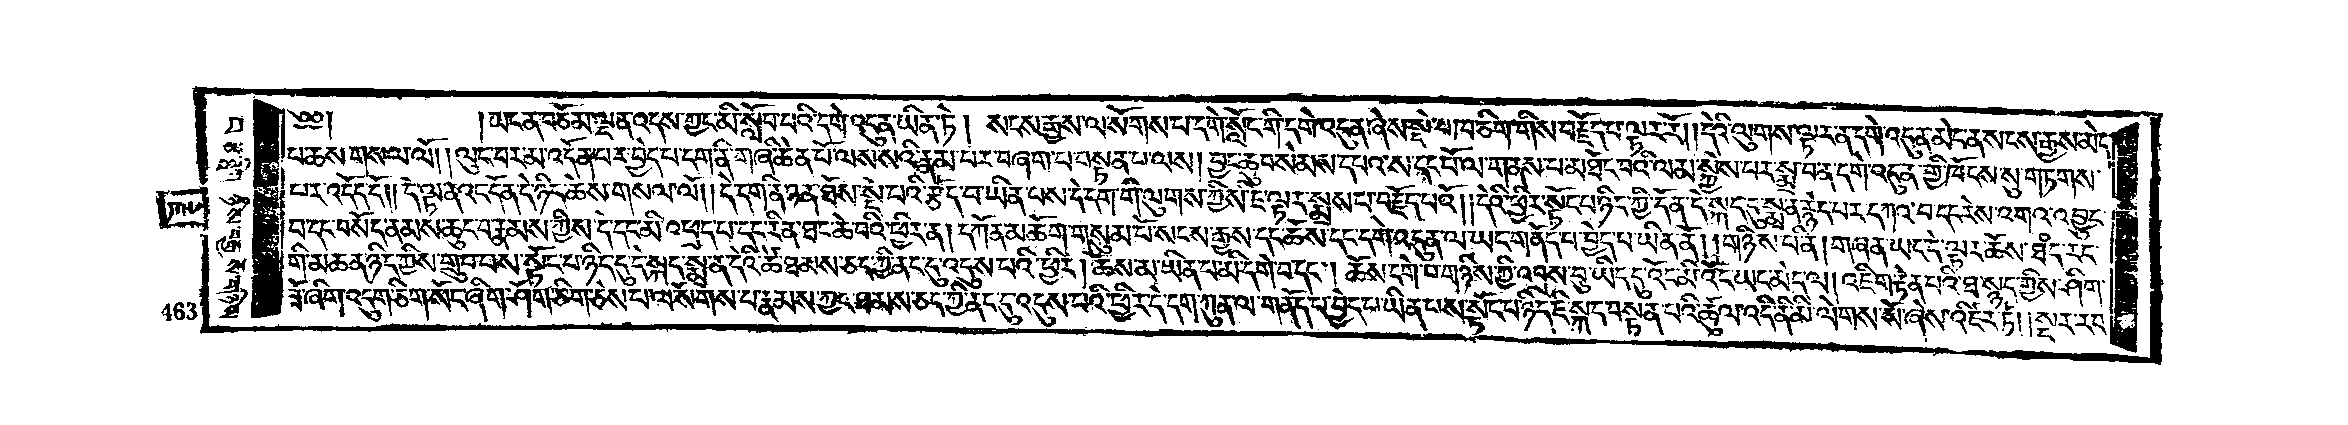༄༅། །ཡང་ན་བཅོམ་ལྡན་འདས་ཀྱང་མི་སློབ་པའི་དགེ་འདུན་ཡིན་ཏེ། སངས་རྒྱས་ལ་སོགས་པ་དགེ་སློང་གི་དགེ་འདུན་ཞེས་སྡེ་པ་ཁ་ཅིག་གིས་བརྗོད་པ་ལྟར་རོ། །དེའི་ལུགས་ལྟར་ན་དགེ་འདུན་མེད་ན་སངས་རྒྱས་མེད་
པ་ཆས་གསལ་ལོ། །ལུང་བར་མ་འདེན་པར་བྱེད་པ་དག་ནི་གཞི་ཆེན་པོ་ལས་སའི་རྣམ་པར་བཞག་པ་བསྟན་པ་ལས། བྱང་ཆུབ་སེམས་དཔའ་ས་དང་པོ་ལ་གནས་པ་མཐོང་བའི་ལམ་སྐྱེས་པར་སྨྲ་བ་ན་དགེ་འདུན་གྱི་ཁོངས་སུ་གཏོགས་
པར་འདོད་དོ། །དེ་ལྟ་ནའང་དོན་དེ་ཉིད་ཆེས་གསལ་ལོ། །དེ་དག་ནི་ཉན་ཐོས་སྡེ་པའི་རྩོད་པ་ཡིན་པས་དེ་དག་གི་ལུགས་ཀྱིས་ཇི་ལྟར་སྨྲས་པ་བརྗོད་པའོ། །དེའི་ཕྱིར་སྟོང་པ་ཉིད་ཀྱི་དོན་དེ་སྐད་དུ་སྨྲ་ན་རྙེད་པར་དཀའ་བ་དང་རེས་འགའ་འབྱུང་
བ་དང་བསོད་ནམས་ཆུང་བ་རྣམས་ཀྱིས་དེ་དང་མི་འཕྲད་པ་དང་རིན་ཐང་ཆེ་བའི་ཕྱིར་ན། དཀོན་མཆོག་གསུམ་པོ་སངས་རྒྱས་དང་ཆོས་དང་དགེ་འདུན་ལ་ཡང་གནོད་པ་བྱེད་པ་ཡིན་ནོ། །གཉིས་པ་ནི། གཞན་ཡང་དེ་ལྟར་ཆོས་ཐཾད་རང་
གི་མཚན་ཉིད་ཀྱིས་གྲུབ་པས་སྟོང་པ་ཉིད་དུ་དེ་སྐད་སྨྲ་ན་དེའི་ཚེ་ཐམས་ཅད་ཀྱི་ནང་དུ་འདུས་པའི་ཕྱིར། ཆོས་མ་ཡིན་པ་མི་དགེ་བ་དང་། ཆོས་དགེ་བ་གཉིས་ཀྱི་འབྲས་བུ་ཡིད་དུ་འོང་མི་འོང་ཡང་མེད་ལ། འཇིག་རྟེན་པའི་ཐ་སྙད་གྱིས་ཤིག་
ཟོ་ཞིག་འདུག་ཅིག་སོང་ཞིག་ཤོག་ཅིག་ཅེས་པ་ལ་སོགས་པ་རྣམས་ཀྱང་ཐམས་ཅད་ཀྱི་ནང་དུ་འདུས་པའི་ཕྱིར་དེ་དག་ཀུན་ལ་གནོད་པ་བྱེད་པ་ཡིན་པས་སྟོང་པ་ཉིད་ཇི་སྐད་བསྟན་པའི་ཚུལ་འདི་ནི་མི་ལེགས་སོ་ཞེས་འཛེར་ཏོ། །སྔར་རབ་